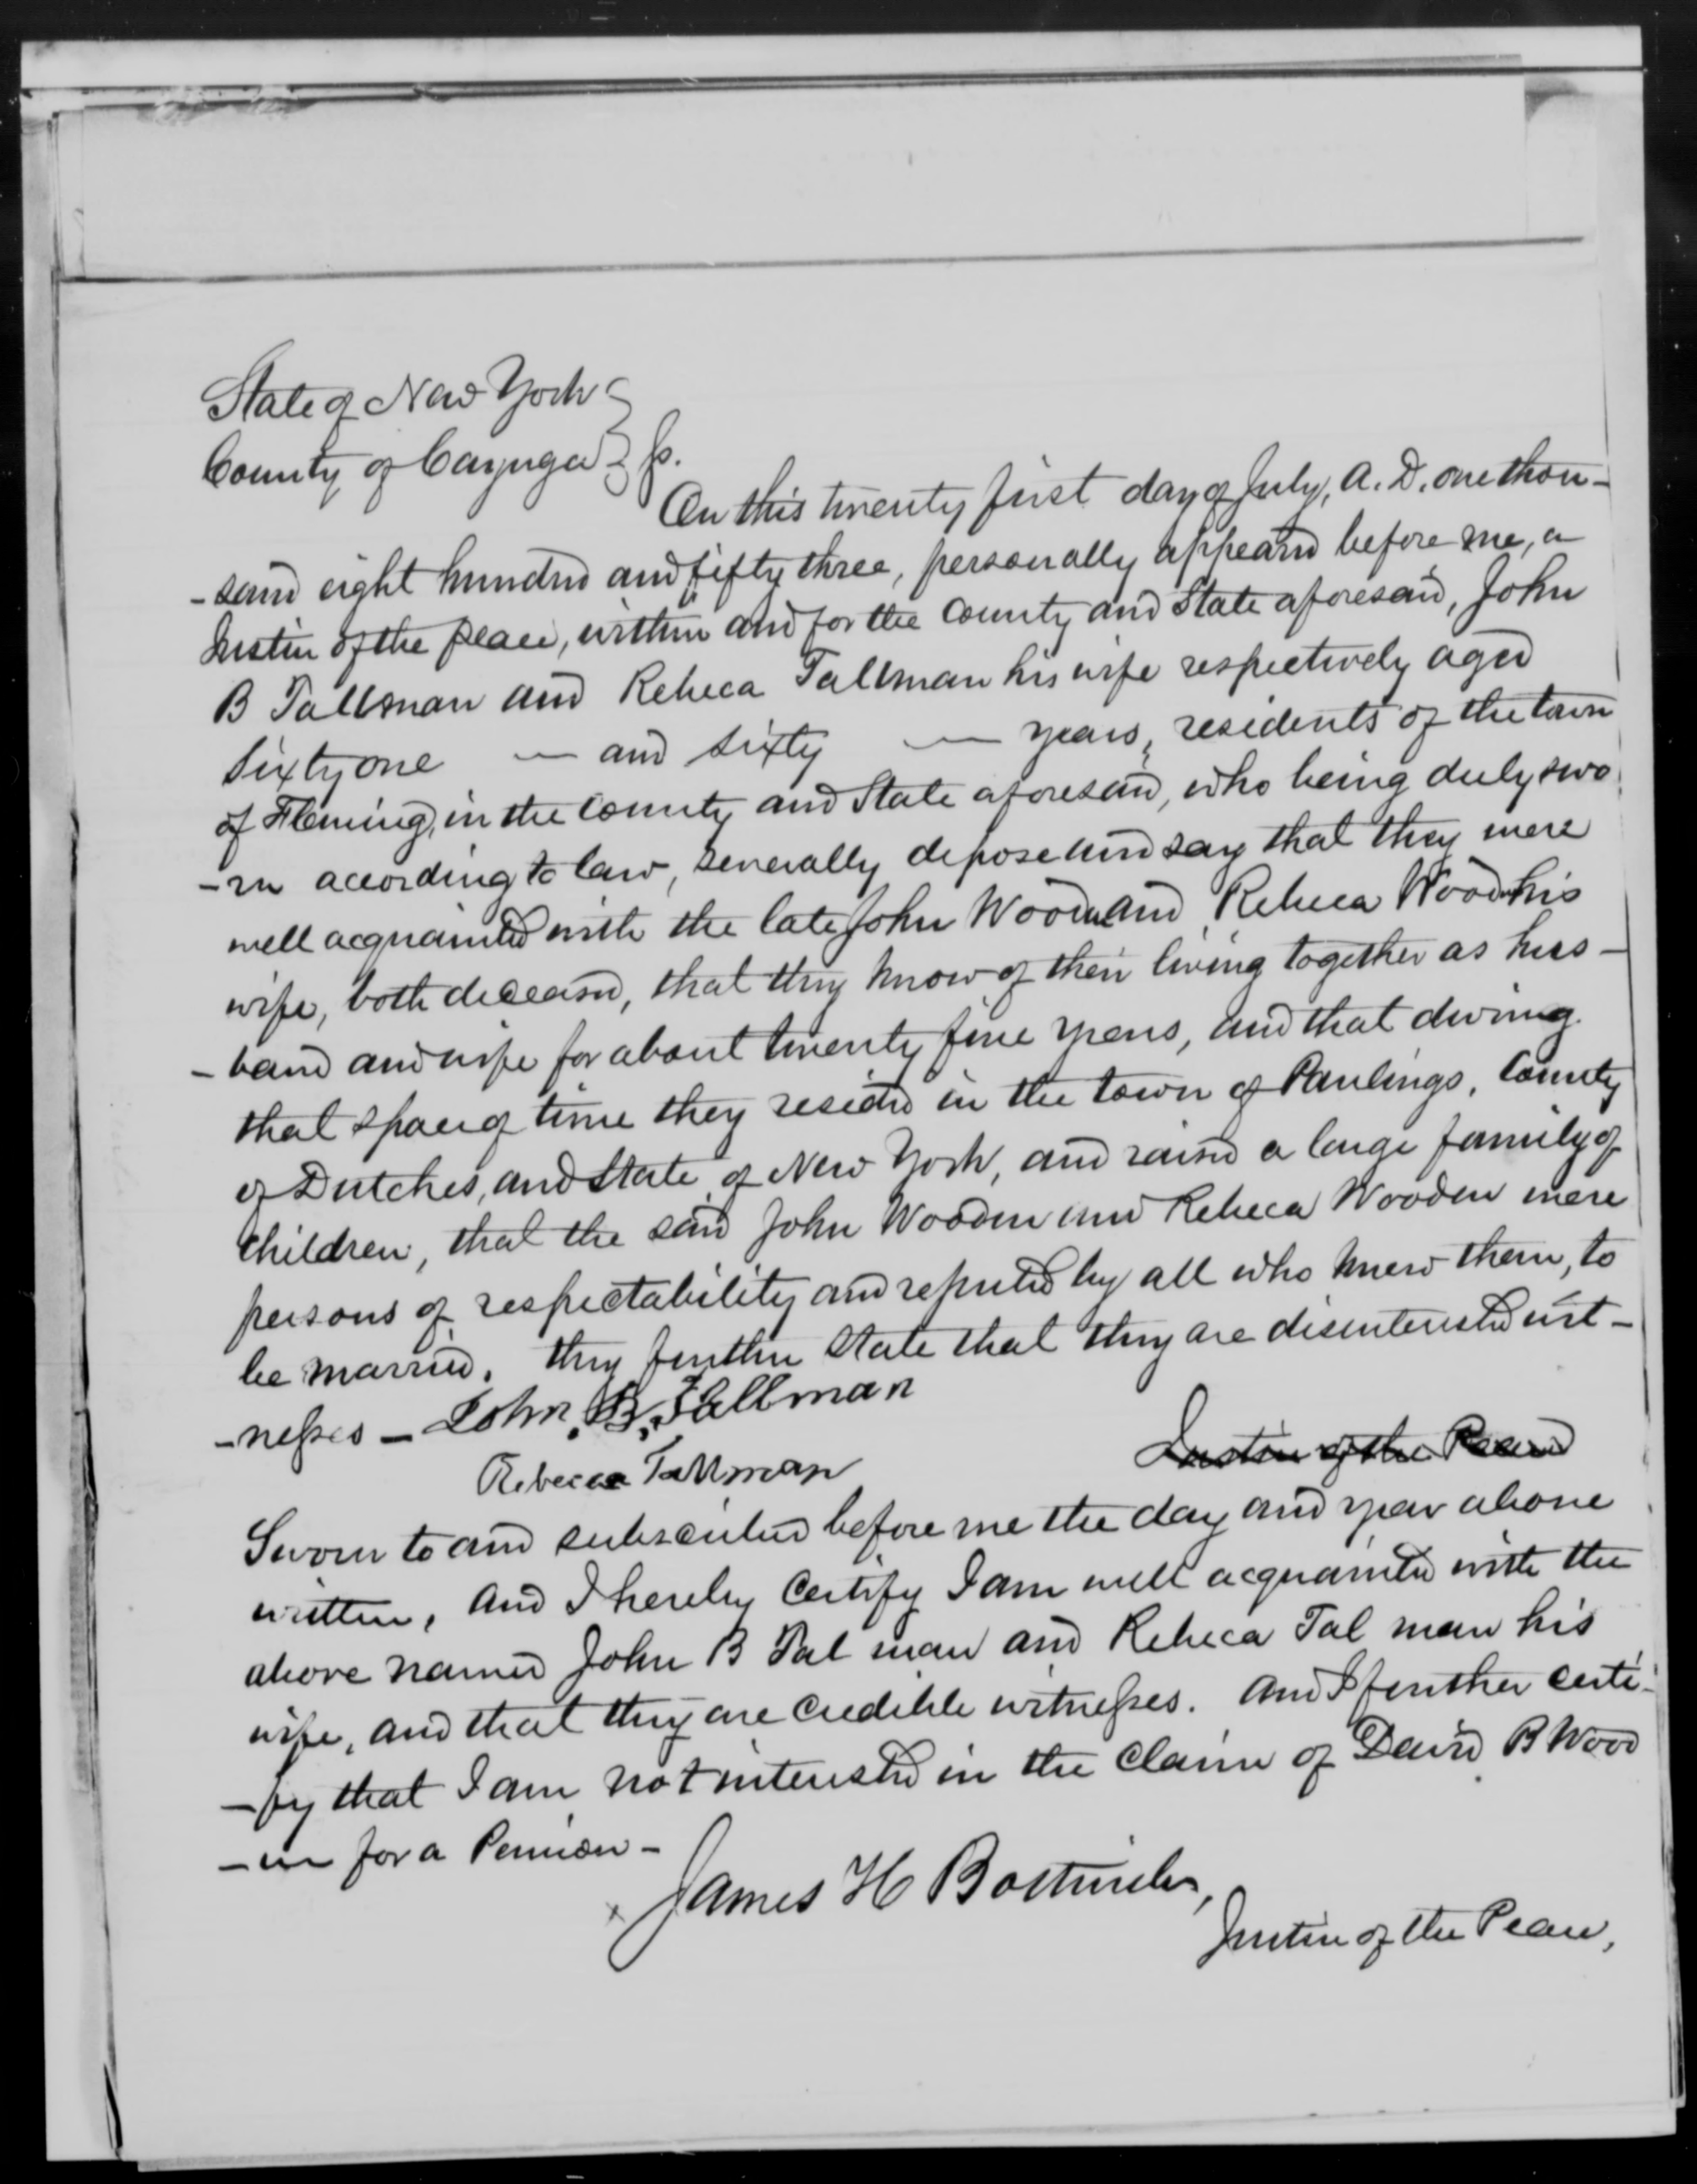State of New York 
County of Cayuga Ss
On this twenty first day of July, A.D. one thousand eight hundred and fifty three, personally appeared before me, a Justice of the peace, within and for the County and State aforesaid, John B Tallman and Rebeca Tallman his wife respectively aged Sixty one and sixty years, residents of the town of Fleming in the County and State aforesaid, who being duly sworn according to law, severally depose and say that they were well acquainted with the late John Woodin and Rebeca Woodin his wife, both deceased, that they know of their living together as husband and wife for about twenty five years, and that during that space of time they resided in the town of Pawlings, County of Dutches, and State of New York, and raised a large family of children, that the said John Wooden Rebeca Wooden were persons of respectability and reputed by all who knew them, to be married, they further state that they are disinterested witnesses – 
John B. Tallman 
Rebecca Talman 

Sworn to and subscribed before me the day and year above written, and I hereby certify I am well acquainted with the above named John B Talman and Rebeca Talman his wife, and that they are credible witnesses, and I further certify that I am not interested in the claim of David B Wooden for a Pension- 
James H Bostwick,
Justice of the Peace,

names: Rebeca Wooden, James H Bostwick, David B Wooden, John B Tallman, John Wooden, Rebeca Tallman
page: 10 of 77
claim: widow's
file: W. 19658, John Woodin, New York